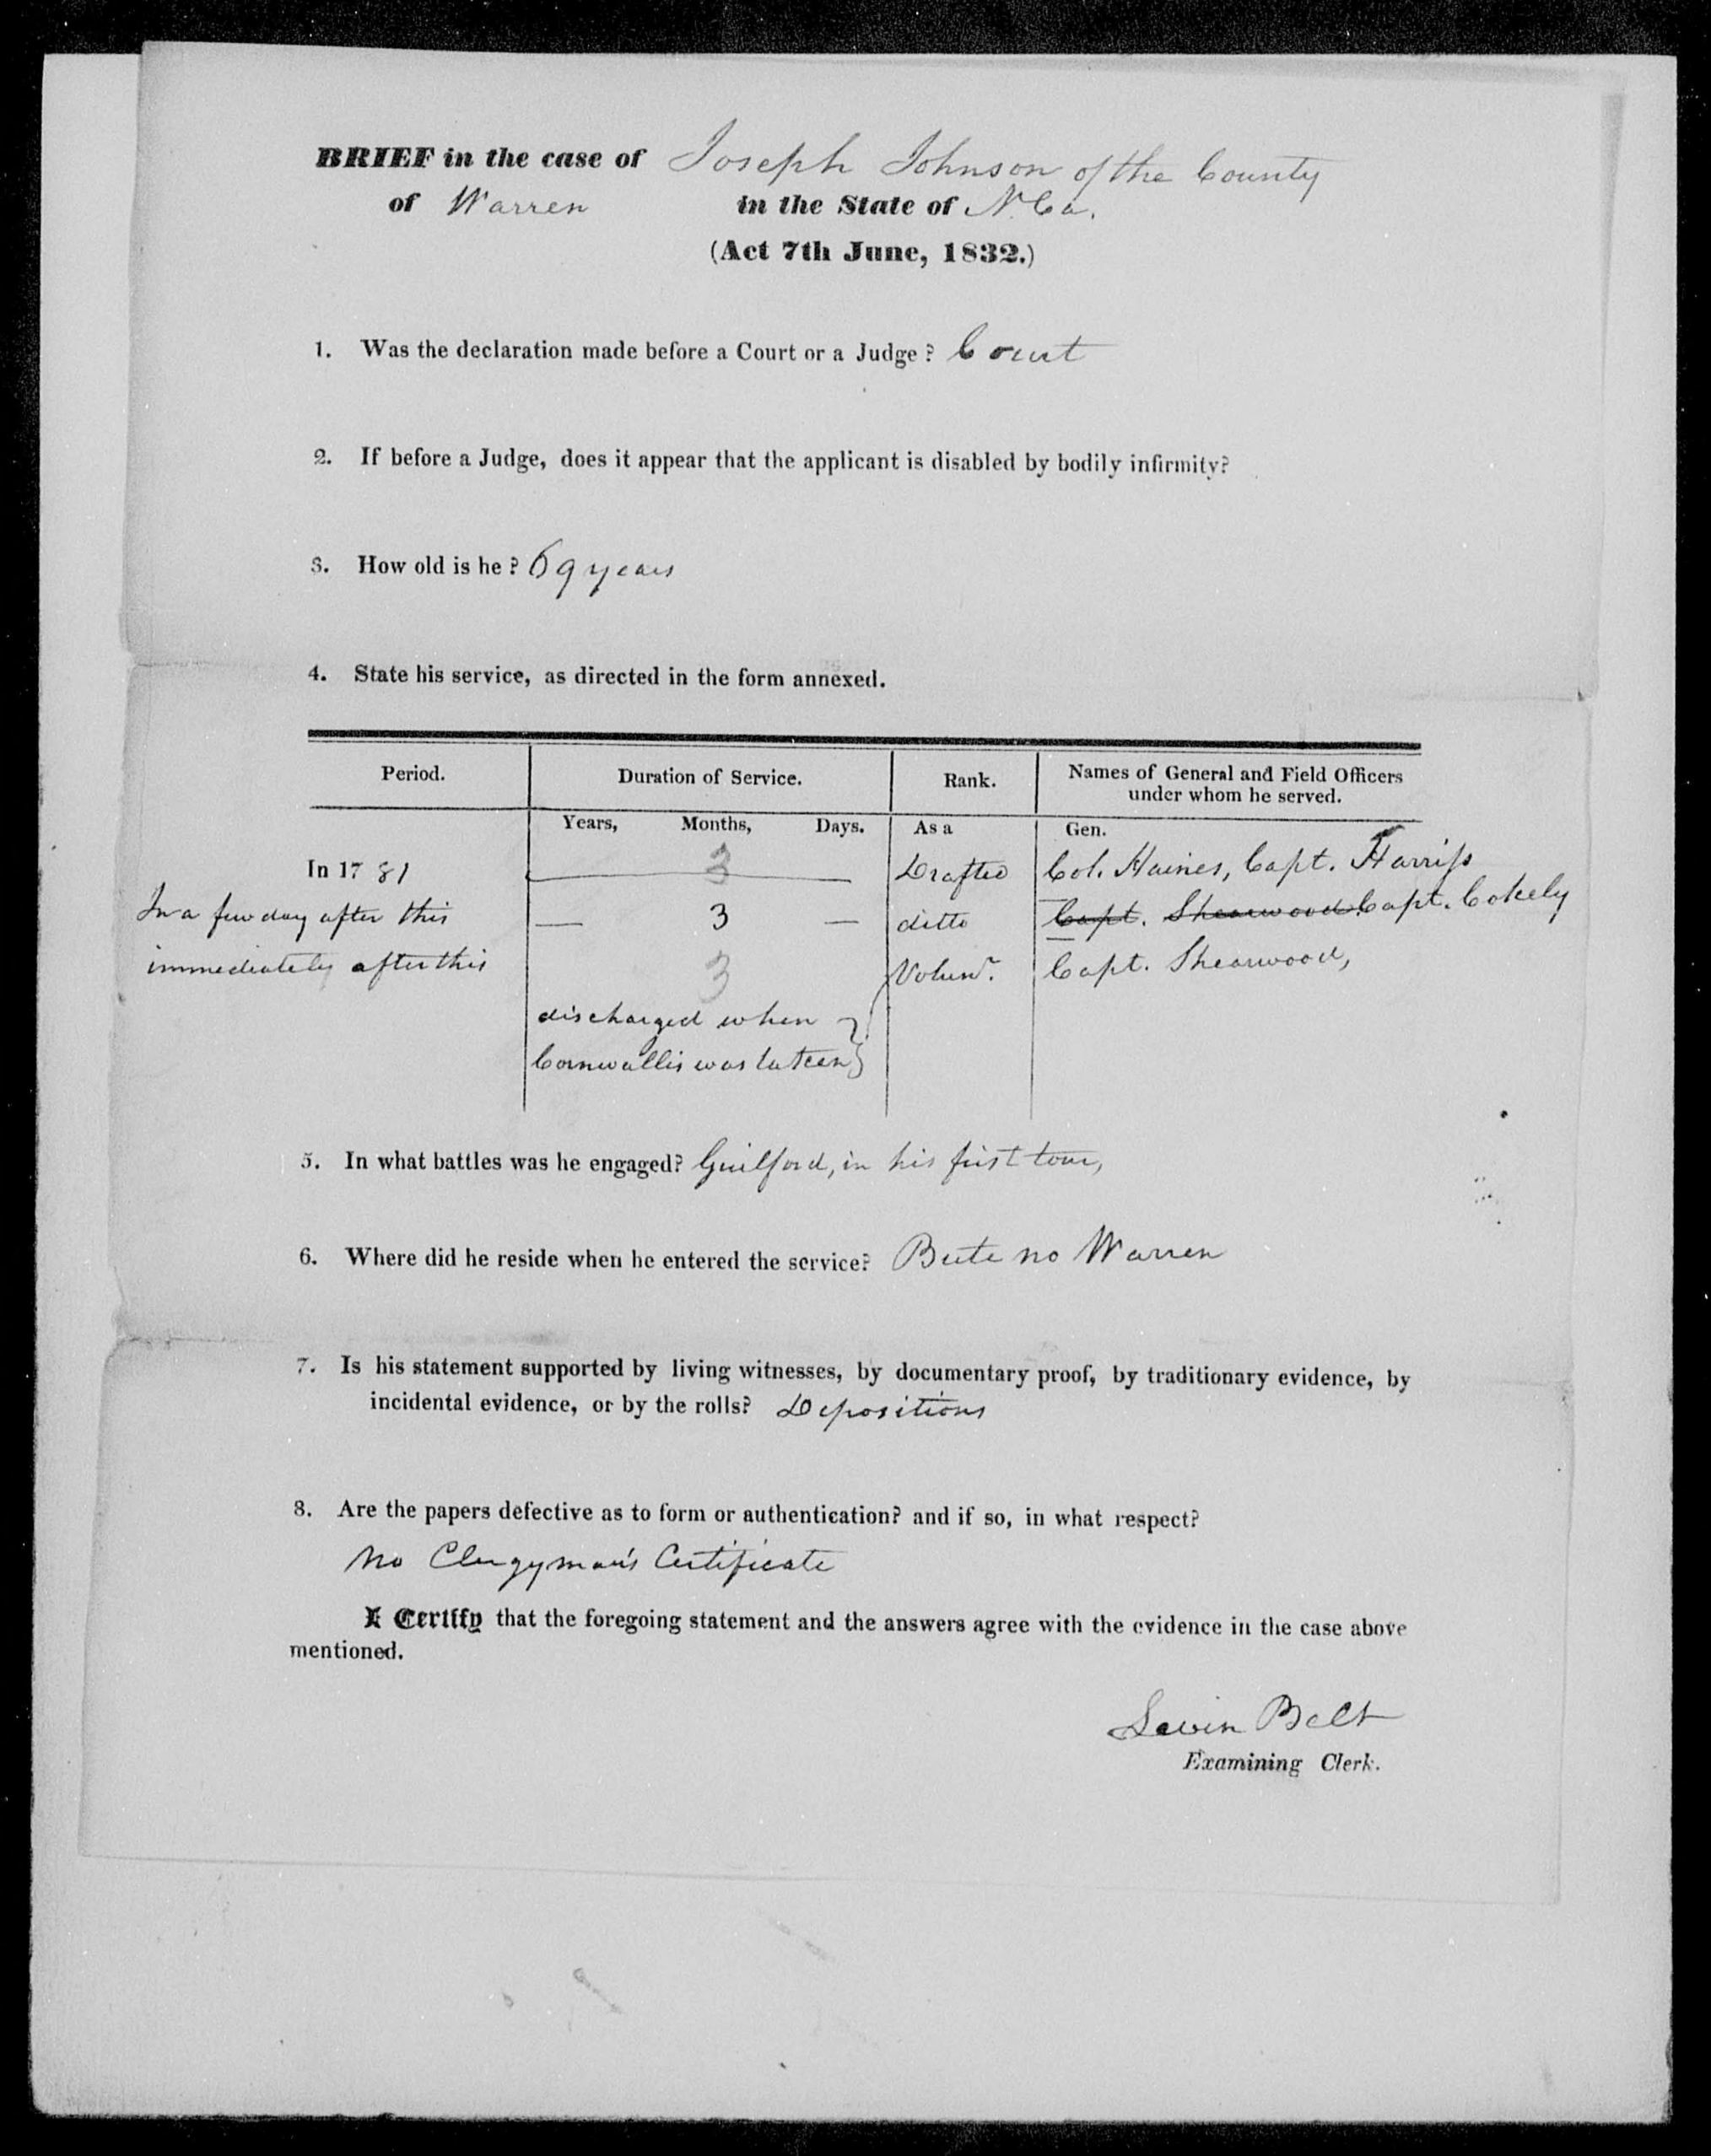[printed form with handwriting]

BRIEF in the case of Joseph Johnson of the County of Warren
in the State of N Ca.
(Act 7th June, 1832.)
1. Was the declaration made before a Court or a Judge? Court
2. If before a Judge, does it appear that the applicant is disabled by bodily infirmity?
3. How old is he? 69 years
4. State his service, as directed in the form annexed.
Period.
In 1781
In a few day after this
immediately after this
Duration of Service.
Years,
Months,
3
3
3
Days.
discharged when Cornwallis was taken}
Rank.
As a 
Drafted
ditto
Voluntr.
Names of General and Field Officers
under whom he served.
Gen.
Col. Haines, Capt. Harriss
Capt. Shearwood [lined out] Capt. Cokely
Capt. Shearwood,
5. In what battles was he engaged? Guilford, in his first tour
6. Where did he reside when he entered the service? Bute no Warren
7. Is his statement supported by living witnesses, by documentary proof, by traditionary evidence, by incidental evidence, or by the rolls? Depositions
8. Are the papers defective as to form or authentication? and if so, in what respect?
no Clergyman's Certificate
I Certify that the foregoing statement and the answers agree with the evidence in the case above
Sevin Belt
Examining Clerk.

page: 4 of 9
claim: survivor's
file: S. 7085, for Joseph Johnson, North Carolina